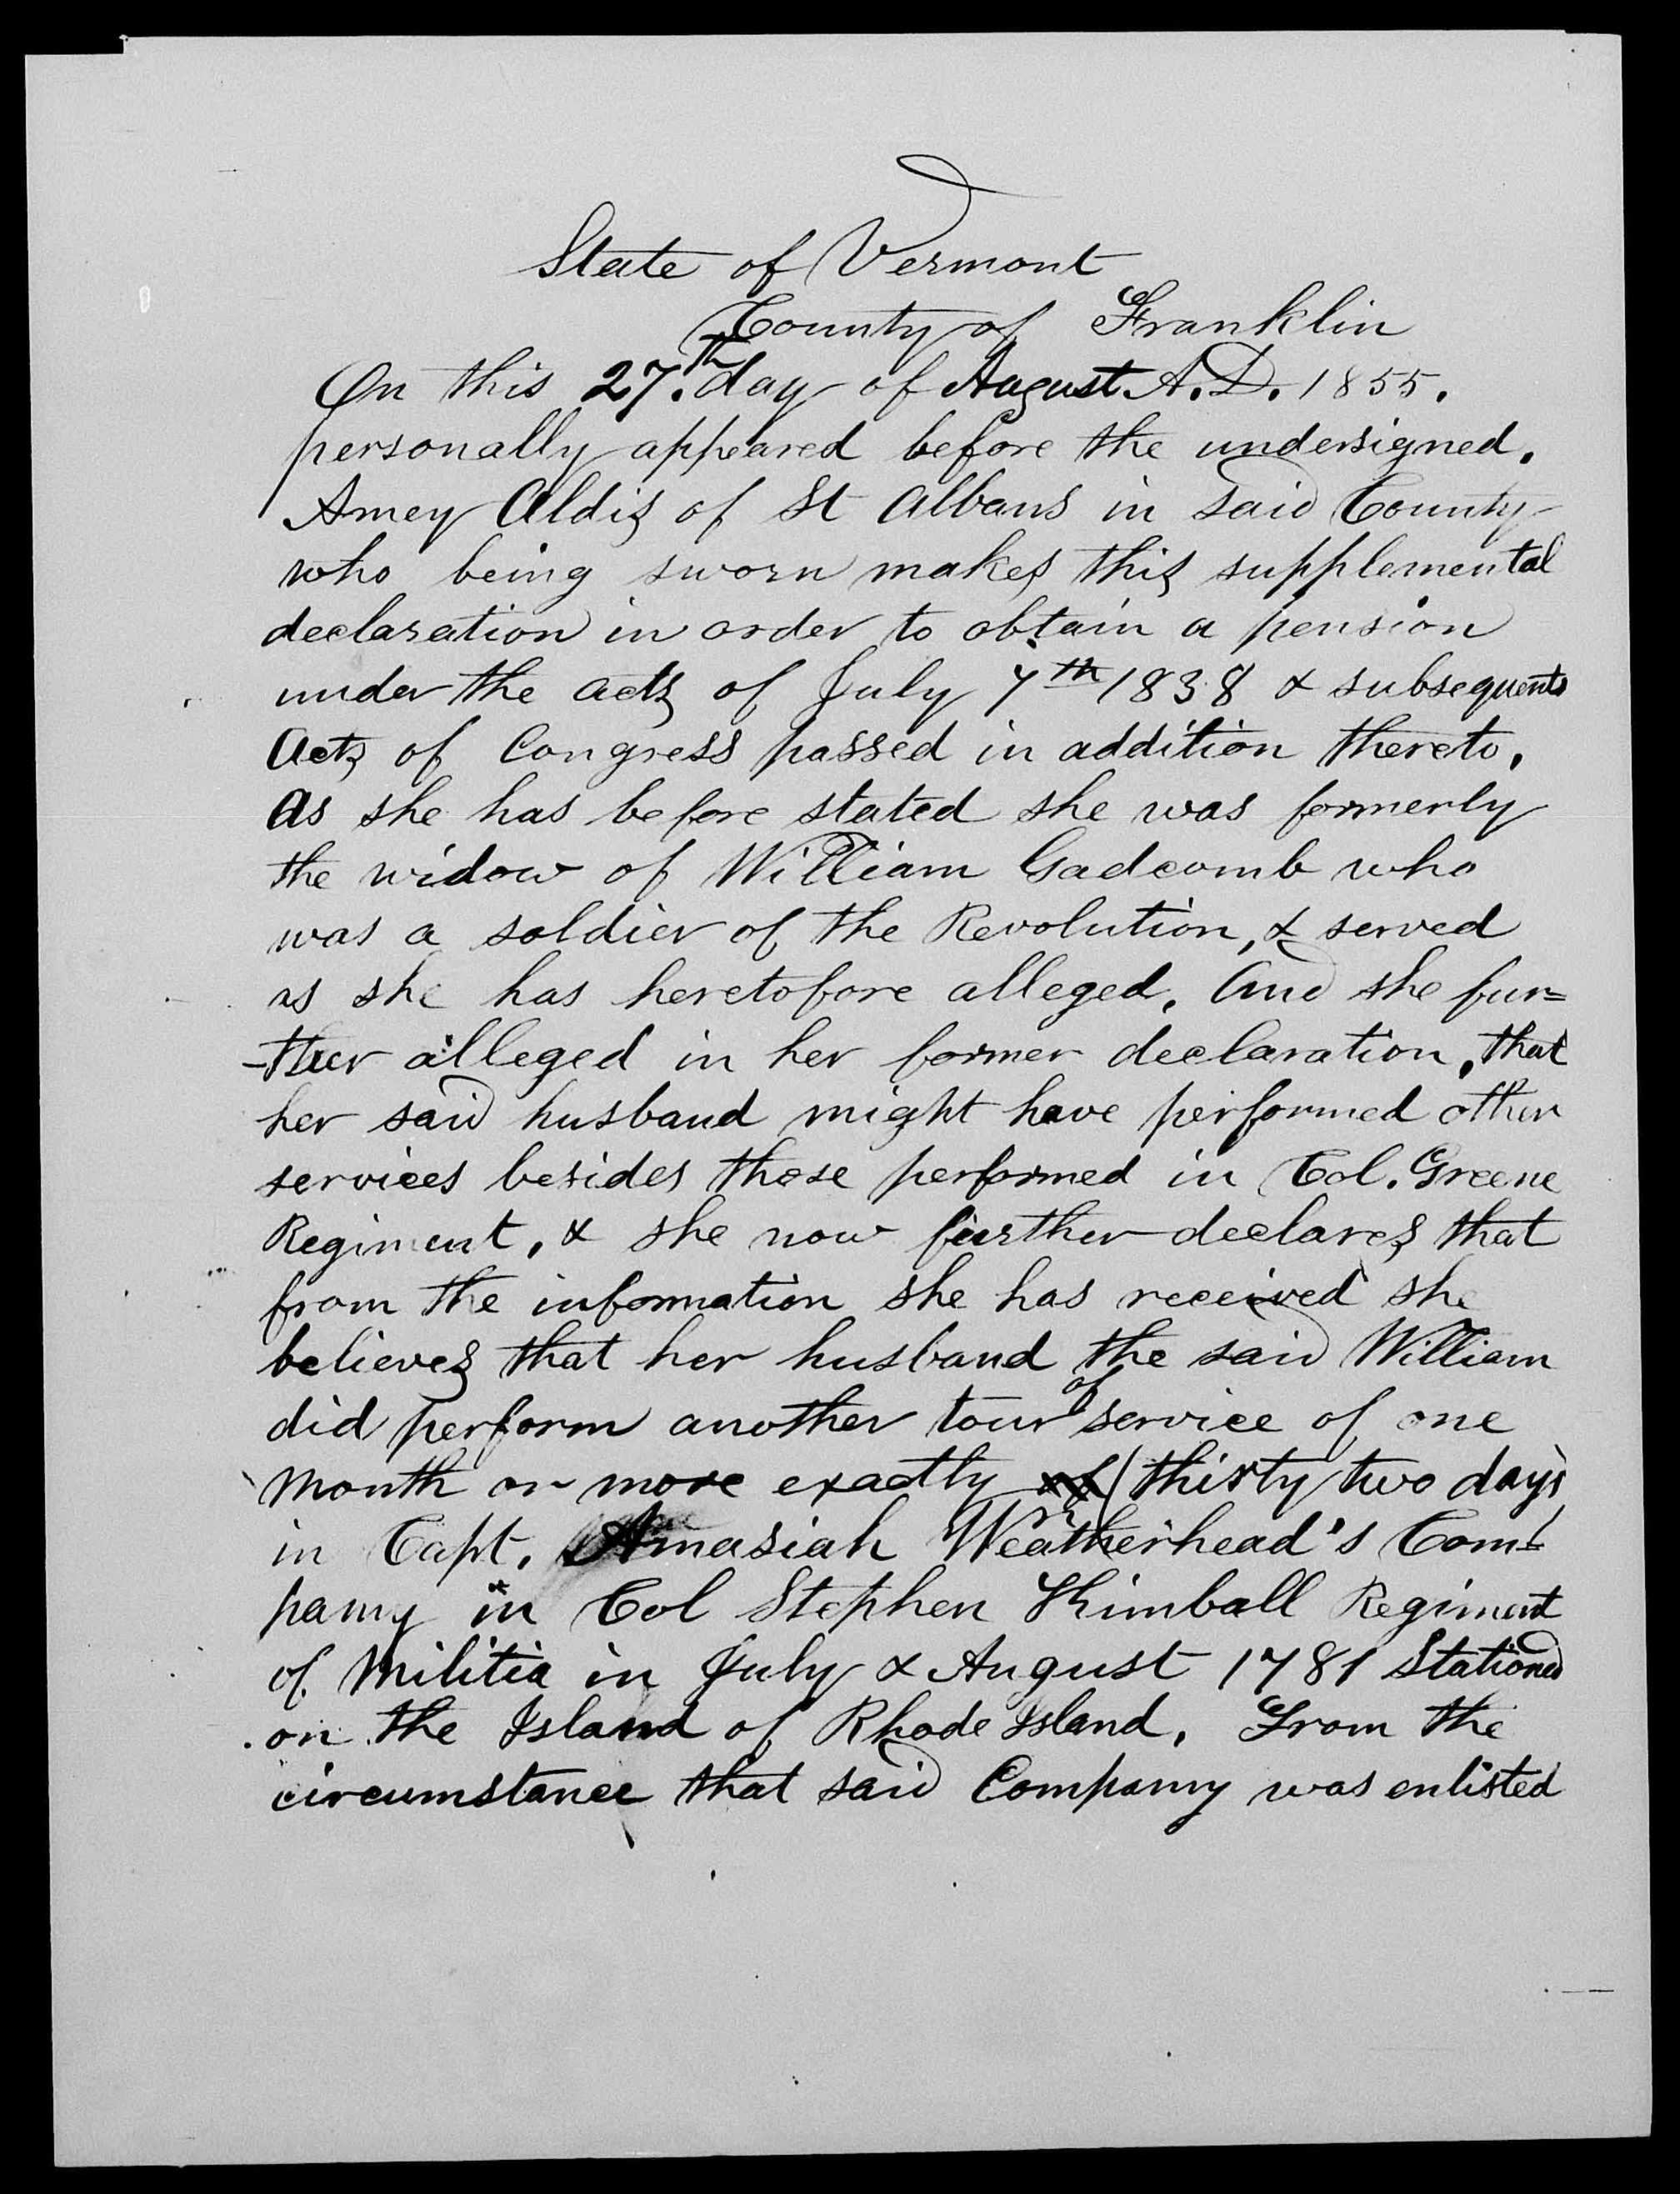State of Vermont
County of Franklin
On this 27th day of August A.D. 1855.
personally appeared before the undersigned,
Amey Aldis of St Albans in said County
who being sworn makes this supplemental
declaration in order to obtain a pension
under the act of July 7th 1838 & subsequent
Acts of Congress passed in addition thereto. 
As she has before stated she was formerly
the widow of William Gadcomb who
was a soldier of the Revolution & served
as she has heretofore alleged, and she 
further alleged in her former declaration that
her said husband might have performed other
services besides those performed in Col. Greene
Regiment, & she now further declares that
from the information she has received the
believes that her husband the said William
did perform another tour of service of one
month or more exactly (thirty two days) 
in Capt. Josiah Weatherhead's 
Company in Col Stephen Kimball Regiment
of Militia in July & August 1781 stationed
on the Island of Rhode Island. From the
circumstance that said Company was enlisted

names: William, Amey Aldis, William Gadcomb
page: 25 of 76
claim: widow's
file: W. 15,517, William Gadcomb, R.I.